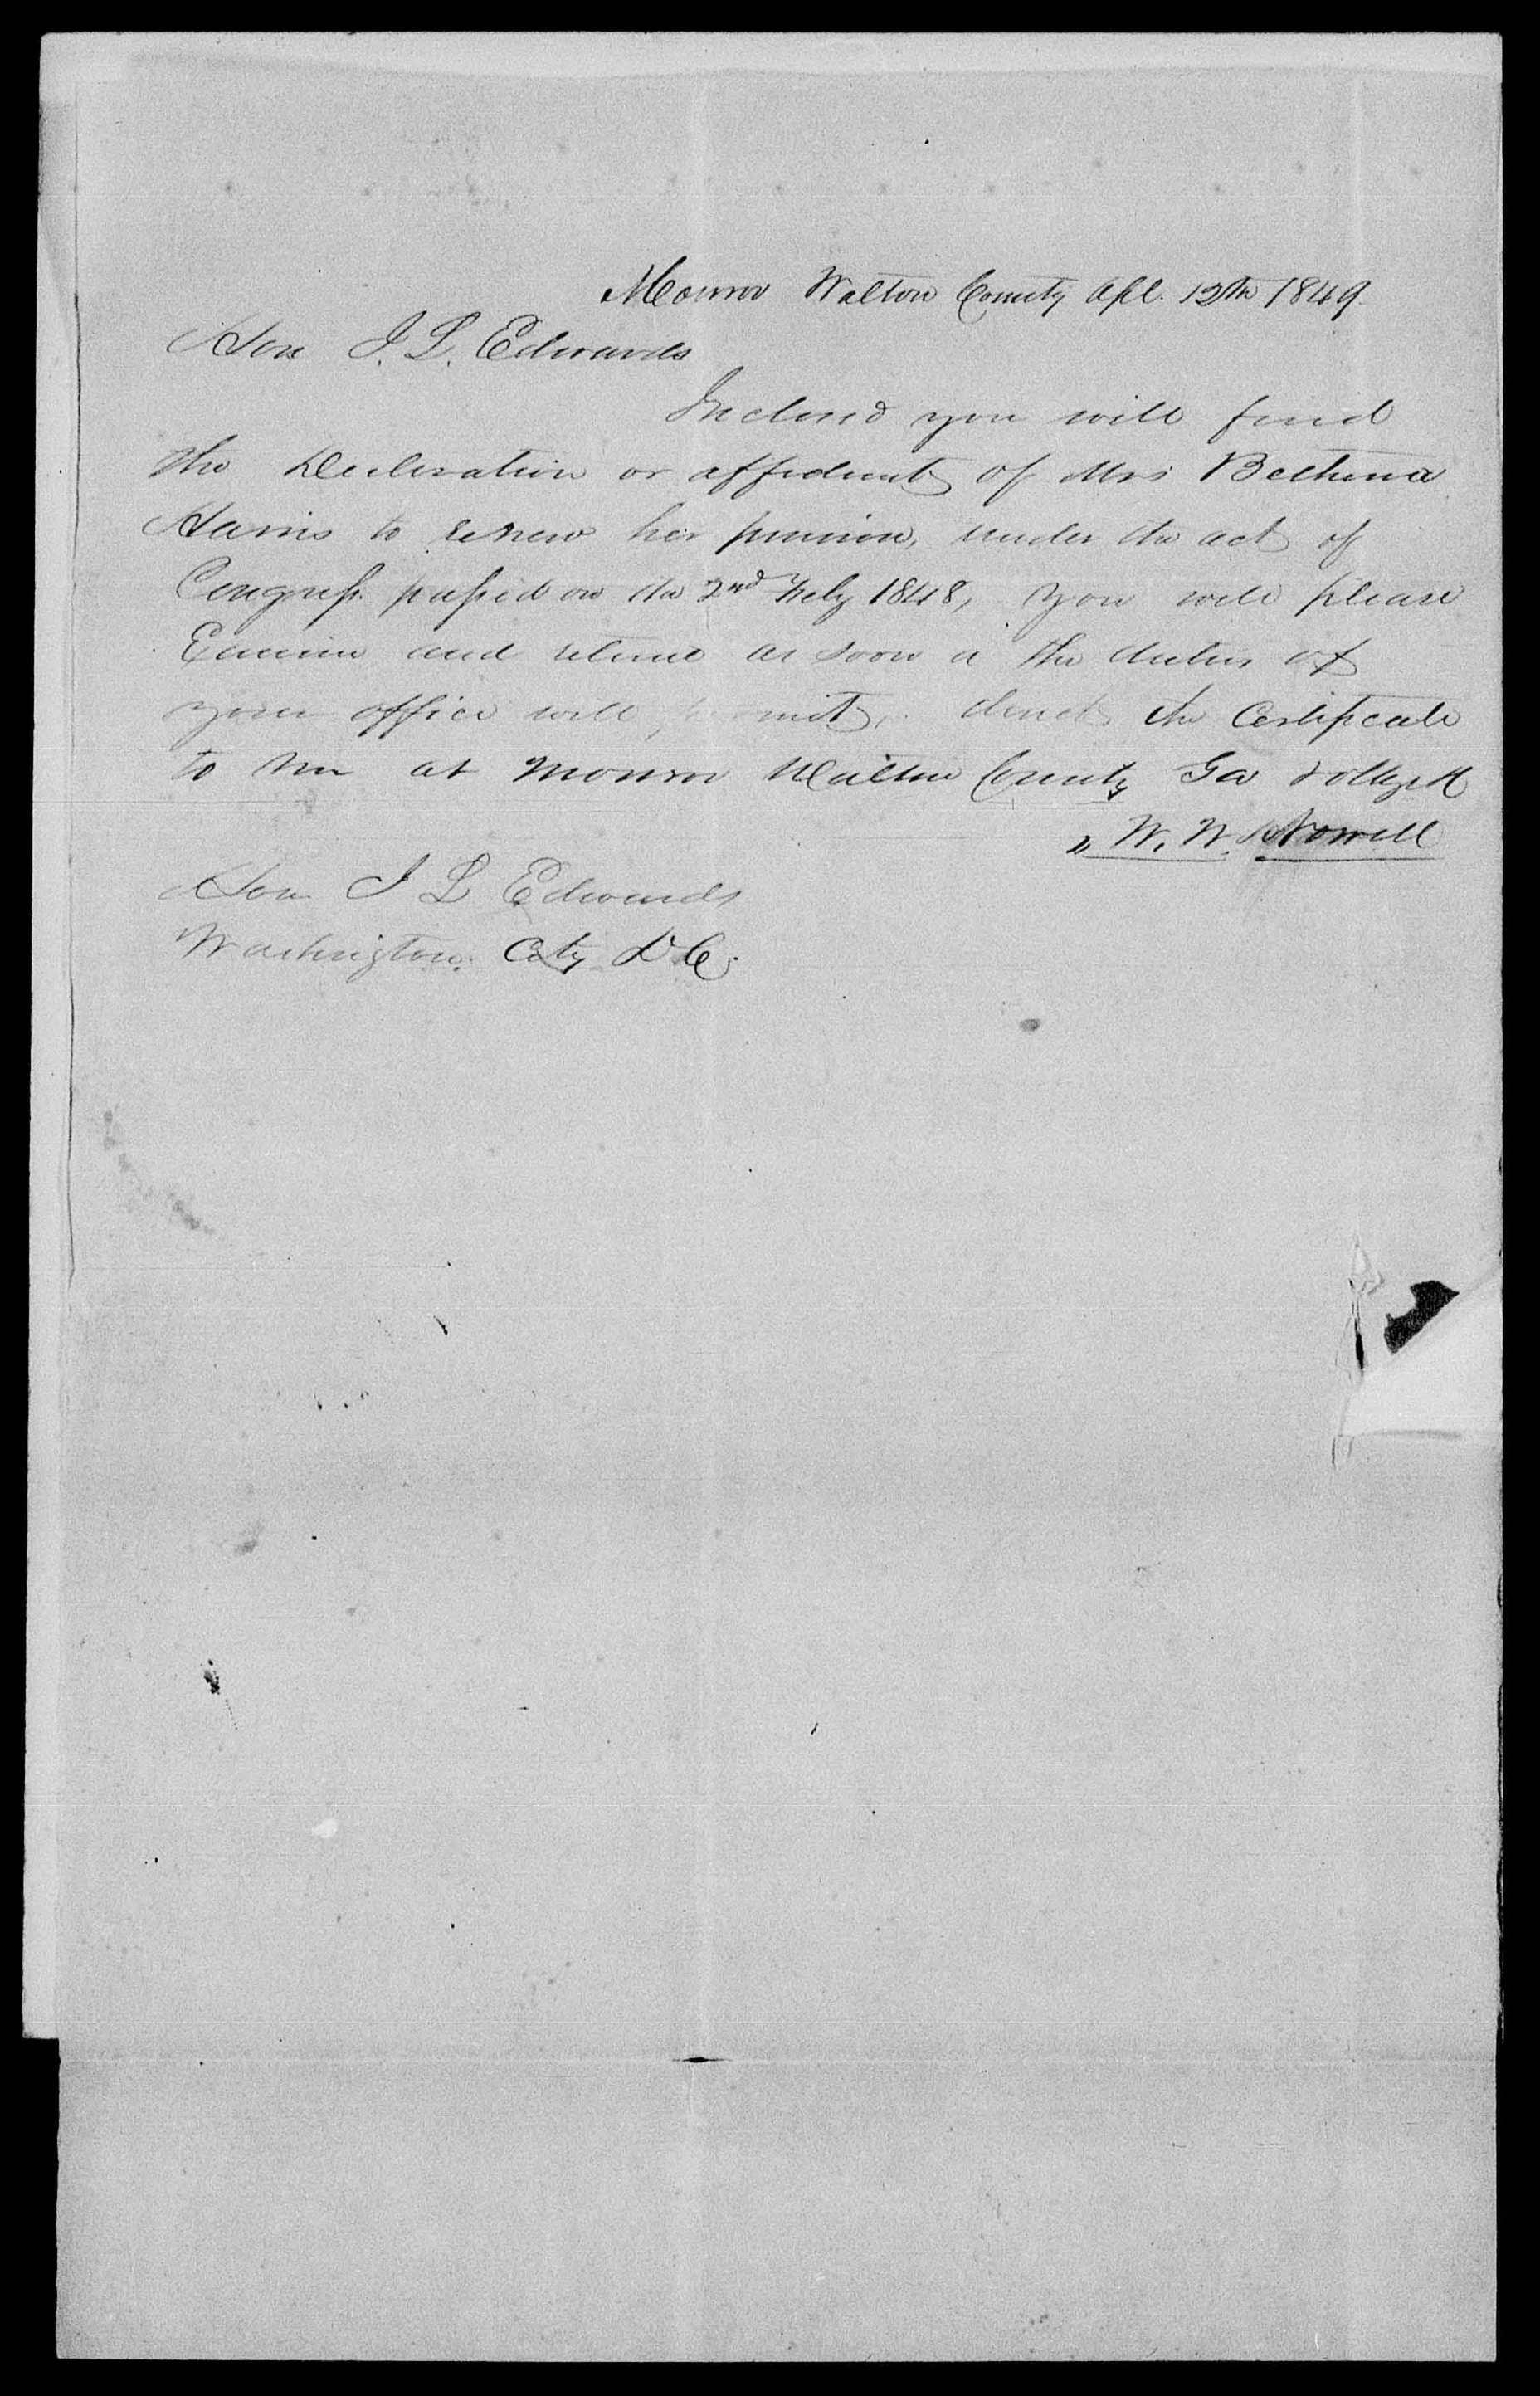Monroe Walton County Apl 12th 1849 

Hon J.L. Edwards 

Inclosed you will find the Declaration or affidavit of Mrs Bethena Harris to renew her pension, under the act of Congress passed on the 2d July 1848, you will please enceive and return as soon as the duties of your office will permit, and the certificate to me at Monroe Walton County Ga 
W.W. Nowell

Hon J L Edwards 
Washington City D.C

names: J L Edwards, W W Nowell, J L Edwards, Bethena Harris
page: 35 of 62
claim: survivor's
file: S. 38816, Benjamin Harris, Mass.